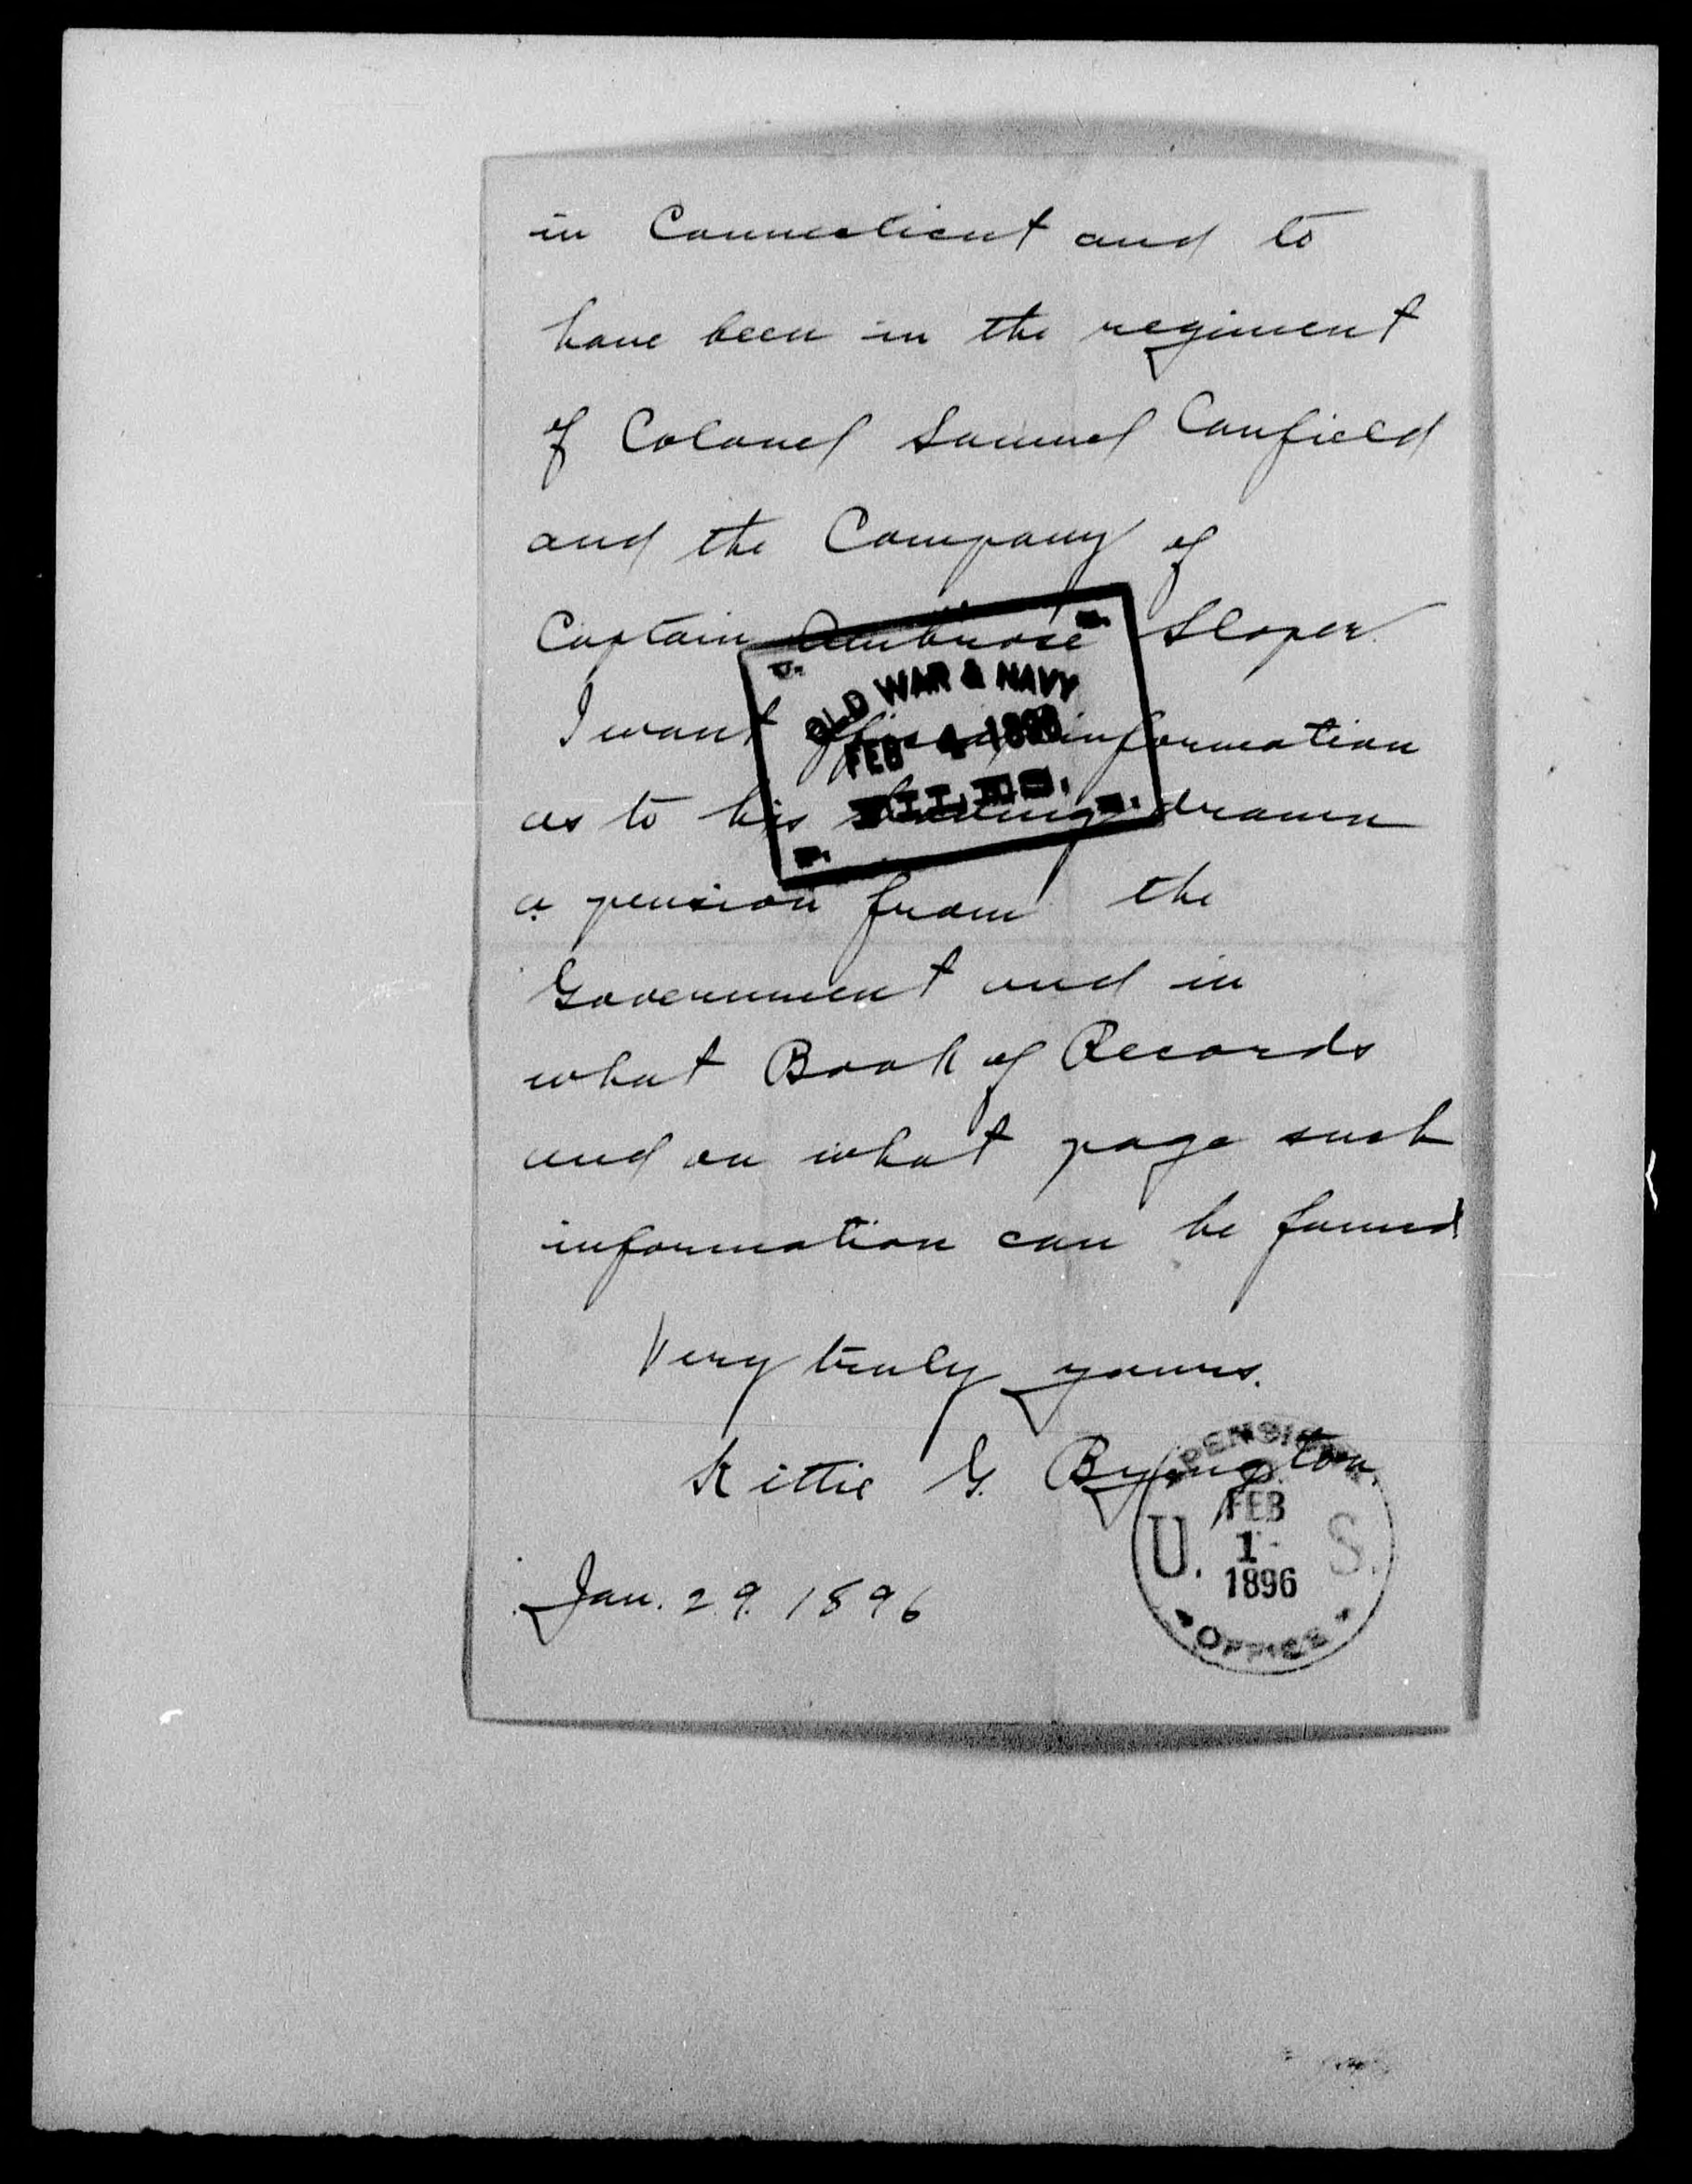[stamped]
U. S.
OLD WAR & NAVY FILES
FEB 4 1896

in Connecticut and to have been in the regiment of Colonel Samuel Canfield and the company of Captain Ambrose Sloper.
I want official information as to his having drawn a pension from the Government and in what Book of Records and on what page such information can be found.
Very truly yours,
Kittie G. Byington
Jan 29, 1896

[stamped]
U. S. PENSION OFFICE
O
FEB 1 1896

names: Ambrose Sloper, Kittie G Byington, Samuel Canfield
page: 75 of 79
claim: widow's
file: W. 23754, Justus Byington, Conn.